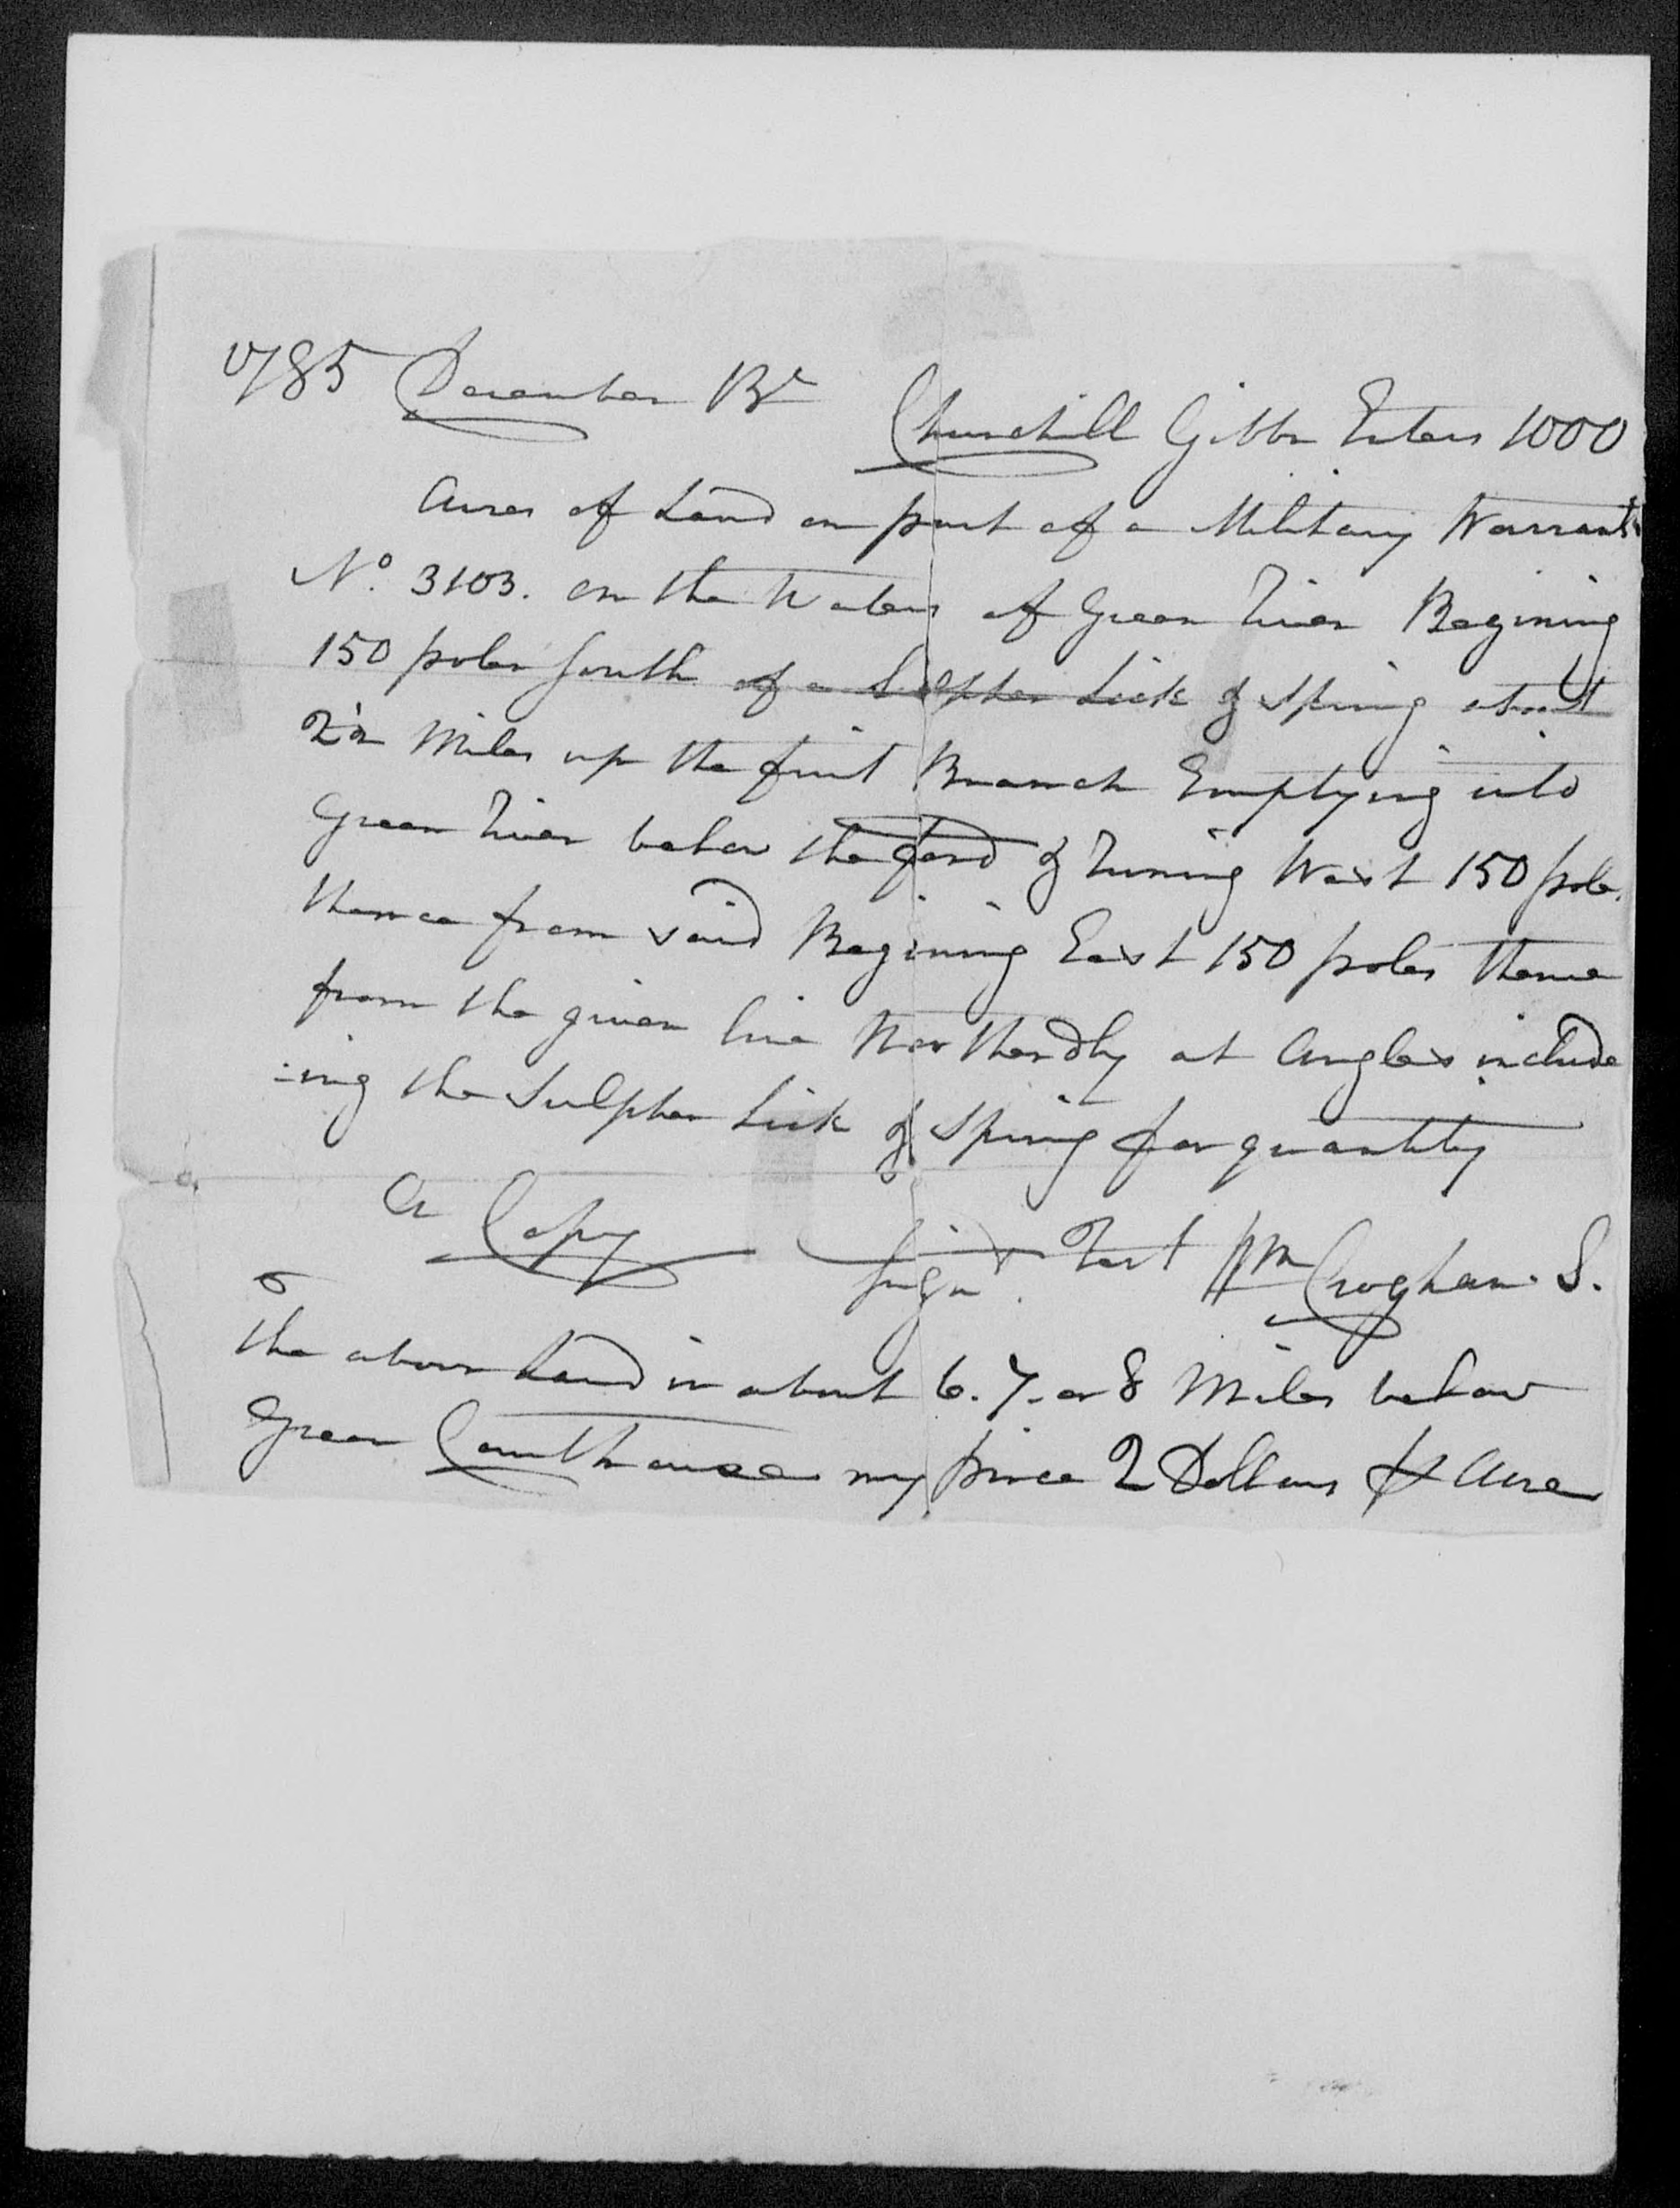1785. December 13th
Churchill Gibbs Enters 1000 acres of Land on part of a Military Warrant No. 3103. on the Waters of Green River Beginning 150 poles South of a Sulphur Lick &[and] Spring about 2 1/2 Miles up the first Branch Emptying into Green River below the ford &[and] Turning West 150 poles thence from said Beginning East 150 poles thence from the given line Northerdly at Angles including the Sulphur Lick &[and} Spring for quantity

a Copy
Sign +[and] Zert 
Wm Croghan. S.

the above land is about 6. 7.or 8 Miles below Green Courthouse my price 2 Dollars  P Aire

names: Churchill Gibbs, Wm Croghan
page: 61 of 267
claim: widow's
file: W. 4,149, William Campbell, Va.